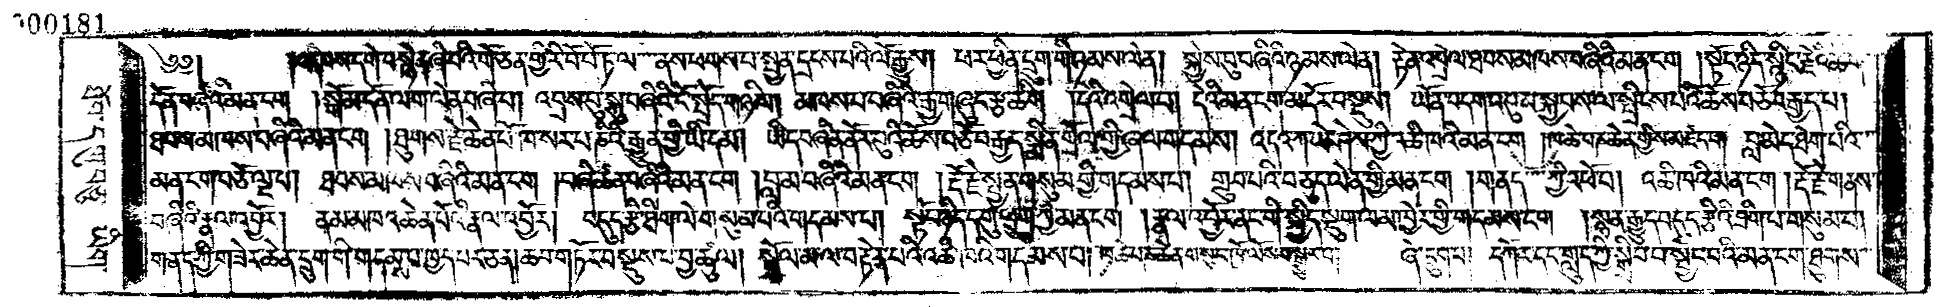༄༅། །འདེབས་དགེ་བསྙེན་ཞི་བའི་གོ་ཅན་གྱི་རི་བོ་པོ་ཏ་ལ་ནས་ཕགས་པ་སྤྱན་དྲངས་པའི་ལོ་རྒྱུས། ཕར་ཕྱིན་དྲུག་གི་ཉམས་ལེན། སྐྱེས་བུ་བཞིའི་ཉམས་ལེན། རྟེན་འབྲེལ་ཐབས་མཁས་བཞིའི་མན་ངག །སྟོང་ཉིད་སྙིང་རྗེའི་ཚིག་
དོན་བཞིའི་མན་ངག །སྒོམ་དོན་ལག་ལེན་བཞི་པ། འབྲས་བུ་སྐུ་བཞིའི་ངོ་སྤྲོད་གཉིས། མཁས་པ་བཞིའི་རྒྱ་གཞུང་རྩ་ཚིག །དེའི་འགྲེལ་བ། དེའི་མན་ངག་མདོར་བསྡུས། ཡོན་བདག་འབུམ་སྐྱབས་ལ་སྦྲིངས་པའི་ཆོས་བཅོ་བརྒྱད་པ།
ཐབས་མཁས་བཞིའི་མན་ངག །ཐུགས་རྗེ་ཆེན་པོ་ཁ་སར་པ་ཎིའི་རྒྱུན་གྱི་ཡི་དམ། ཡིད་བཞིན་ནོར་བུའི་ཆོས་བཅོ་བརྒྱད་སྨིན་གྲོལ་གྱི་ཞལ་གདམས། འདའ་ཀ་ཡེ་ཤེས་ཀྱི་འཆི་ཁའི་མན་ངག་།ཁ་ཆེན་པཎ་ཆེན་གྱིས་མཛད་པ།  བླ་མེད་ཐེག་པའི་
མན་ངག་བཅོ་ལྔ་པ། ཐབས་མཁས་བཞིའི་མན་ངག །བཞི་ཚན་བཞིའི་མན་ངག །བླ་མ་བཞིའི་མན་ངག །རྡོ་རྗེ་སྤྱན་གསུམ་གྱི་གདམས་པ། གྲུབ་པའི་བཅུད་ལེན་གྱི་མན་ངག །གནད་ཀྱི་འཕོ་བ། འཆི་ཁའི་མན་ངག །རྡོ་རྗེ་གནས་
བཞིའི་རྣལ་འབྱོར། ནམ་མཁའ་ཆེན་པོའི་རྣལ་འབྱོར། བདུད་རྩི་ཐིག་ལེ་གསུམ་པའི་གདམས་པ། སྟོང་ཉིད་དགུ་ཕྲུགས་ཀྱི་མན་ངག །རྣལ་འབྱོར་ནང་གི་སྐྱིད་སྡུག་ལམ་ཁྱེར་གྱི་གདམས་ངག །སྙན་རྒྱུད་བདུད་རྩིའི་ཐིག་པ་གསུམ་པ།
གནད་ཀྱི་གཟེར་ཆེན་དྲུག་གི་གདམས་པ་ཁྱད་པར་ཅན། ཆབ་གཏོར་བསྡུས་པ་བྱ་ཚུལ། སྒྲོལ་མ་ལ་བརྟེན་པའི་འཆི་ཁའི་གདམས་པ། ཁ་ཆེ་པཎ་ཆེན་གསུང་ཁྲོ་ལོས་བསྒྱུར་བ།  ཞེ་དྲུག་པ། དཀོར་དང་གླུད་ཀྱི་སྒྲིབ་པ་སྦྱོང་བའི་མན་ངག་ཐུགས་